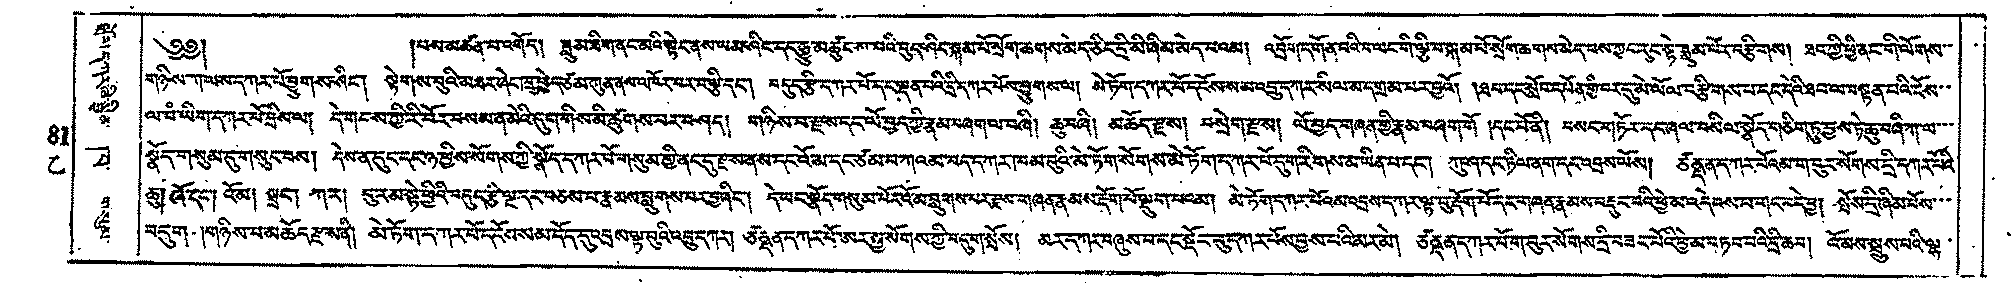༄༅། །པས་མཚན་པ་འགོད། ཟླུམ་ཐིག་ནང་མའི་སྟེང་ནས་ཡམ་ཤིང་དང་རྒྱུ་མཚུངས་པའི་བུད་ཤིང་སྐམ་པོ་སྲོག་ཆགས་མེད་ཅིང་དྲི་མི་ཞིམ་མེད་པའམ། འབྲོག་དགོན་པའི་བ་ལང་གི་ལྕི་བ་སྐམ་པོ་སྲོག་ཆགས་མེད་པས་ཀྱང་རུང་སྟེ་ཟླུམ་པོར་བརྩིགས། ཐབ་ཀྱི་ཕྱི་ནང་གི་ལོགས་་་
གཉིས་ཀ་ལས་དཀར་པོ་བྱུགས་ཤིང་། སྟེགས་བུའི་མཐར་ཞེང་ཁྲུ་ཕྱེད་ཙམ་ཀུན་ནས་འཁོར་བར་བ་ལྕི་དང་། བདུད་རྩི་དཀར་པོ་དང་ལྡན་པའི་དྲི་དཀར་པོས་བྱུགས་ལ། མེ་ཏོག་དཀར་པོ་དངོས་སམ་འབྲུ་དཀར་སིལ་མ་དགྲམ་པར་བྱའོ། །ཐབ་དང་སློབ་དཔོན་གྱི་བར་དུ་མེ་ཡོལ་བརྩིགས་པ་དང་དེའི་ཐབ་ལ་བསྟན་པའི་ངོས་་་
ལ་བཾ་ཡིག་དཀར་པོ་བྲིས་ལ། དེ་གངས་ཀྱི་རི་བོར་བསམ་ན་མེའི་དུག་གིས་མི་ཚུགས་པར་བཤད། གཉིས་པ་རྫས་དང་ཡོ་བྱད་ཀྱི་རྣམ་བཞག་ལ་བཞི། ཆུ་བཞི། མཆོད་རྫས། བསྲེག་རྫས། ཡོ་བྱད་གཞན་གྱི་རྣམ་བཞག་གོ །དང་པོ་ནི། བསང་གཏོར་དང་ཞལ་བསིལ་སྣོད་གཅིག་ཏུ་བྱས་ཏེ་ཆུ་བཞི་ཀ་ལ་་་
སྣོད་གསུམ་དུ་གསུང་བས། དེས་ན་དུང་དང་ཉ་ཕྱིས་སོགས་ཀྱི་སྣོད་དཀར་པོ་གསུམ་གྱི་ནང་དུ་རྫས་ནས་དང་འོ་མ་དང་ཙམ་པ་ཀའམ་པད་དཀར་ཁམ་བུའི་མེ་ཏོག་སོགས་མེ་ཏོག་དཀར་པོ་དུག་རིགས་མ་ཡིན་པ་དང་། ཀུ་ཤ་དང་ཏིལ་ནག་དང་འབྲས་ཡོས། ཙནྡན་དཀར་པོའམ་ག་བུར་སོགས་དྲི་དཀར་པོའི་
ཆུ། ཞོ་དང་། འོ་མ། སྦྲང་། ཀ་ར། བུ་རམ་སྟེ་ཕྱིའི་བདུད་རྩི་ལྔ་དང་བཅས་པ་རྣམས་བླུགས་པར་བྱ་ཞིང་། དེ་ཡང་སྣོད་གསུམ་པོར་འོ་མ་བླུགས་པར་རྫས་གཞན་རྣམས་རྡོག་པོ་ལྡུག་པའམ། མེ་ཏོག་དཀར་པོའམ་འབྲས་དཀར་ལྟ་བུ་རྡོག་པོ་དང་གཞན་རྣམས་བརྡུང་བའི་ཕྱེ་མ་འདེབས་པ་གང་བདེ་བྱ། སྤོས་དྲི་ཞིམ་པོས་་་
བདུག །གཉིས་པ་མཆོད་རྫས་ནི། མེ་ཏོག་དཀར་པོ་དངོས་སམ་དོད་དུ་འབྲས་ལྟ་བུའི་འབྲུ་དཀར། ཙནྡན་དཀར་པོ་ཨར་སྐྱ་སོགས་ཀྱི་བདུག་སྤོས། མར་དཀར་བཞུས་པ་དང་སྡོང་བུ་དཀར་པོས་བྱས་པའི་མར་མེ། ཙནྡན་དཀར་པོ་ག་བུར་སོགས་དྲི་བཟང་པོའི་ཕྱེ་མ་བཏབ་པའི་དྲི་ཆབ། འོ་མས་སྦྲུས་པའི་ལྷ་